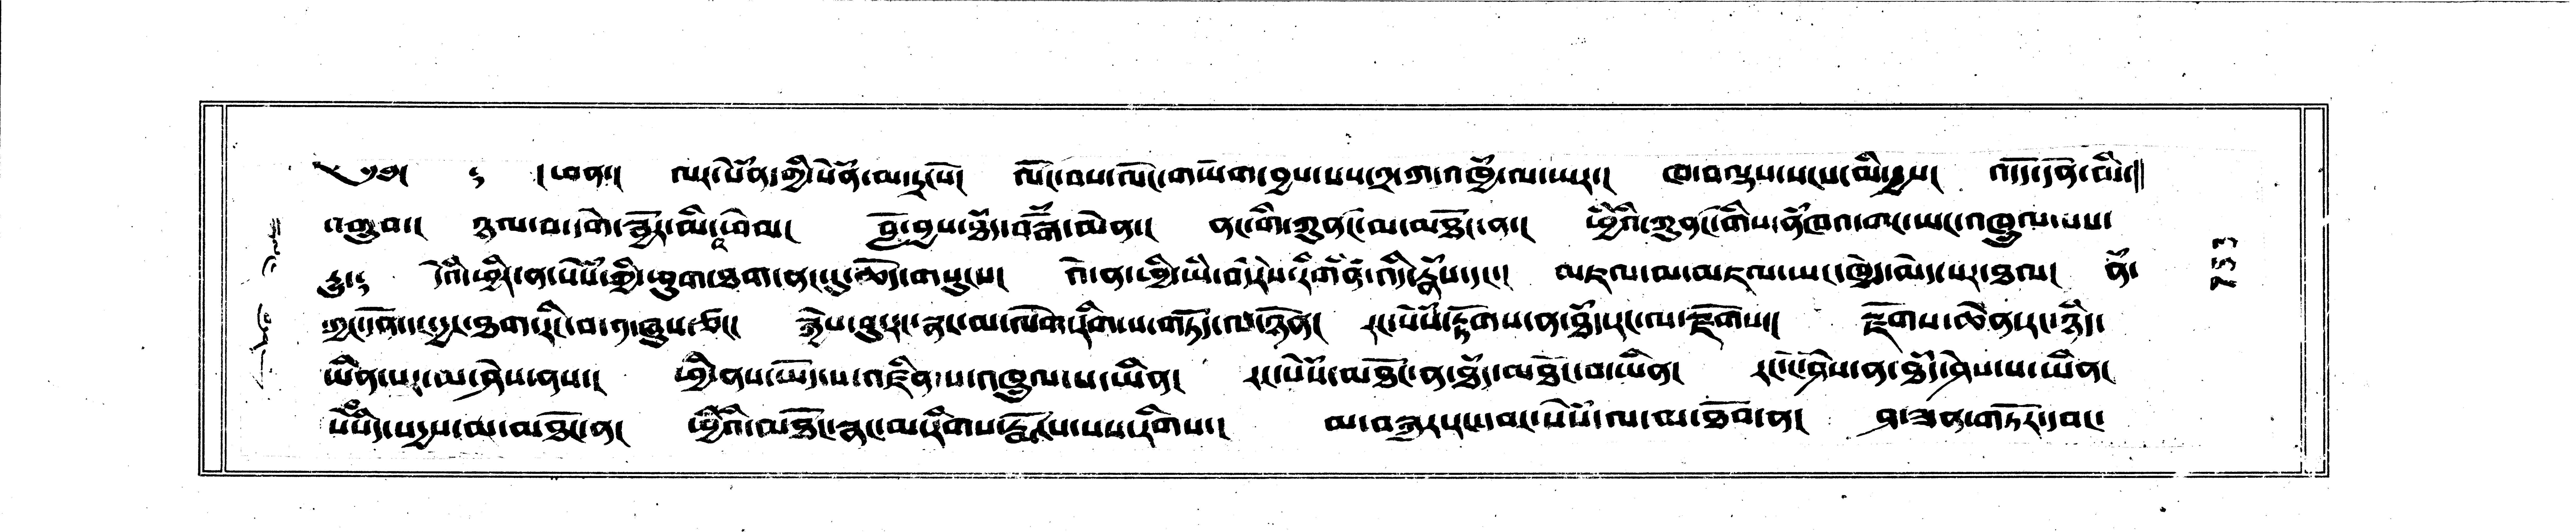ཕན། ལར་སེམས་ཅན་གྱི་སེམས་ཅན་མ་དྲངས་སོ། །ལོང་བས་ལོང་གཡོག་བྱས་པས་གཉིས་ཀ་འཁྱམ་’ཕྱམ’ལ་ཡར། ཁ་ལྟས་སངས་མི་རྒྱས། འདོད་དོན་མི་
འགྲུབ། ཉལ་བས་དགེ་སྦྱོར་མི་འཕེལ། བློས་བྱས་ཐམས་ཅད་སྒོམ་མིན། ནང་གི་ཀུན་བཟང་མ་མཐོང་ན། ཕྱིའི་ཀུན་བཟང་གིས་ནམ་མཁའ་གང་ཡང་འཁྲུལ་པའི་
རྒྱུ། དེའི་ཕྱིར་ན་སེམས་ཀྱི་ཕུགས་ཐག་ནང་དུ་ཆོད་གསུངས། འོ་ན་ཕྱི་ཡི་བདེར་གཤེགས་རིག་འཛིན་འདི་རྣམས་དང་། མཇལ་མ་མཇལ་ཡང་ཁྱད་མེད་པར་ཐལ། ནམ་
ཀྱང་༼ཡང་༽དོན་དང་རྒྱང་ཐག་རིང་བ་གཅིག་ཞུས་ཙ། སྐྱེས་བུ་རང་སྣང་མ་ལོག་རིག་པ་གཏོད་ལ་ཉོན། རང་སེམས་རྟོགས་ན་ཐམས་ཅད་རང་ལ་རྫོགས། རྫོགས་ཆེན་རང་ཉིད་
ཡིན་པར་མ་ཤེས་ནས། ཕྱི་ནས་ཡོད་པ་འཛིན་པ་འཁྲུལ་པ་ཡིན། རང་སེམས་མཐོང་ན་ཐམས་ཅད་མཐོང་བ་ཡིན། རང་ངོ་ཤེས་ན་ཐམས་ཅད་ཤེས་པ་ཡིན། 
སེམས་ཉིད་སངས་རྒྱས་མ་མཐོང་ན། ཕྱིའི་མཐོང་སྣང་མ་རིག་རྨོངས་པས་༼པའི༽རིགས། མ་བསྐུར་རང་དབང་སེམས་ལ་མ་ཐོབ་ན། ཤ་ཟན་གཏོར་དབང་